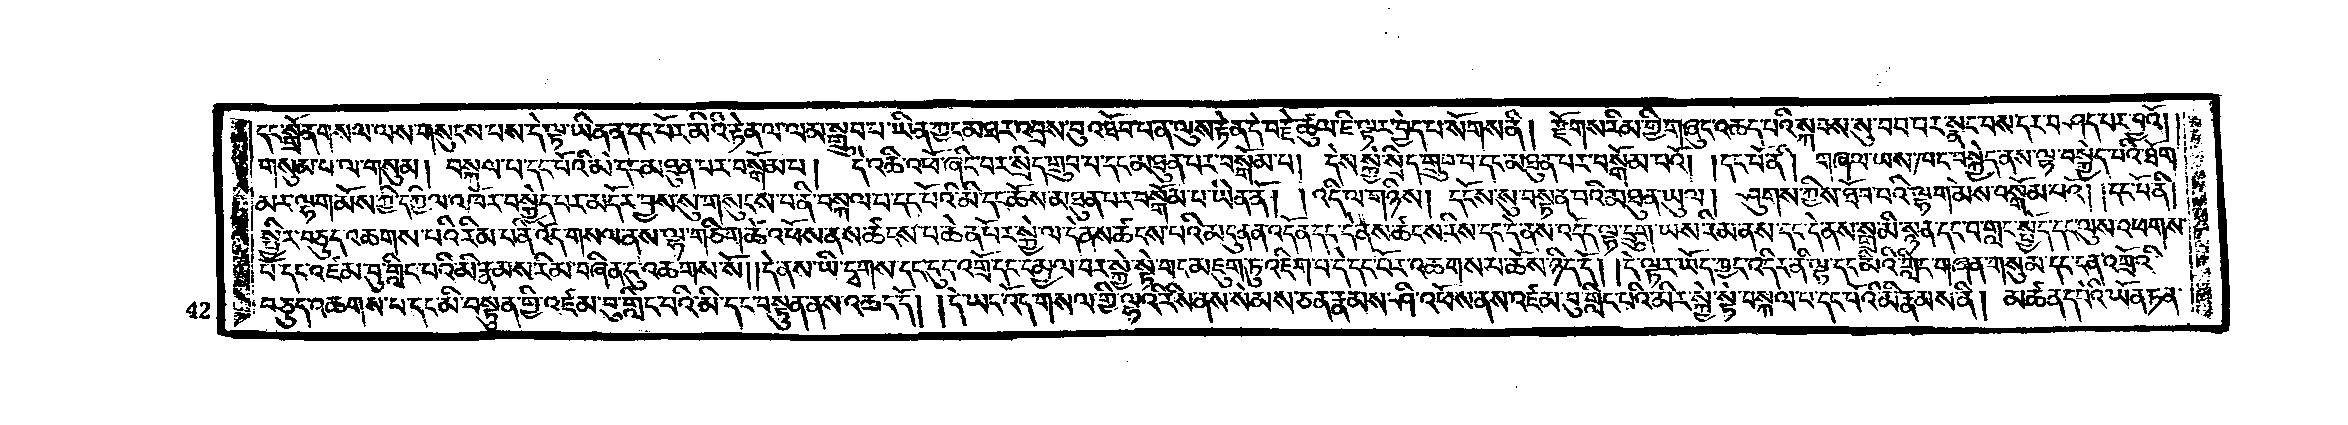དང་སྒྲོན་གསལ་ལས་གསུངས་པས་དེ་ལྟ་ཡིན་ན་དང་པོར་མིའི་རྟེན་ལ་ལམ་སྒྲུབ་པ་ཡིན་ཀྱང་མཐར་འབྲས་བུ་འཐོབ་པ་ན་ལུས་རྟེན་དེ་བརྗེ་ཚུལ་ཇི་ལྟར་བྱེད་པ་སོགས་ནི། རྫོགས་རིམ་གྱི་གཞུང་འཆད་པའི་སྐབས་སུ་བབ་པར་སྣང་བས་དེར་བཤད་པར་བྱའོ། །
གསུམ་པ་ལ་གསུམ། བསྐལ་པ་དང་པོའི་མི་དང་མཐུན་པར་བསྒོམ་པ། དེ་འཆི་འཕོ་ཞིང་བར་སྲིད་གྲུབ་པ་དང་མཐུན་པར་བསྒོམ་པ། དེས་སྐྱེ་སྲིད་གྲུབ་པ་དང་མཐུན་པར་བསྒོམ་པའོ། །དང་པོ་ནི། གཞལ་ཡས་ཁང་བསྐྱེད་ནས་ལྷ་བསྐྱེད་པའི་ཐོག་
མར་ལྷག་མོས་ཀྱི་དཀྱིལ་འཁོར་བསྐྱེད་པར་མདོར་བྱས་སུ་གསུངས་པ་ནི་བསྐལ་པ་དང་པོའི་མི་དང་ཆོས་མཐུན་པར་བསྒོམ་པ་ཡིན་ནོ། །འདི་ལ་གཉིས། དངོས་སུ་བསྟན་པའི་མཐུན་ཡུལ། ཤུགས་ཀྱིས་ཐོབ་པའི་ལྷག་མོས་བསྒོམ་པའོ། །དང་པོ་ནི།
སྤྱིར་བཅུད་འཆགས་པའི་རིམ་པ་ནི་འོད་གསལ་ནས་ལྷ་གཅིག་ཚེ་འཕོས་ནས་ཚངས་པ་ཆེན་པོར་སྐྱེ་ལ་དེ་ནས་ཚངས་པའི་མདུན་ན་འདོན་དང་དེ་ནས་ཚངས་རིས་དང་དེ་ནས་འདོད་ལྷ་དྲུག་ཡས་རིམ་ནས་དང་དེ་ནས་སྒྲ་མི་སྙན་དང་བ་གླང་སྤྱོད་དང་ལུས་འཕགས་
པོ་དང་འཛམ་བུ་གླིང་པའི་མི་རྣམས་རིམ་བཞིན་དུ་འཆགས་སོ། །དེ་ནས་ཡི་དྭགས་དང་དུད་འགྲོ་དང་དམྱལ་བར་སྐྱེ་སྟེ་གང་མཇུག་ཏུ་འཇིག་པ་དེ་དང་པོར་འཆགས་པ་ཆོས་ཉིད་དོ། །དེ་ལྟར་ཡོད་ཀྱང་འདིར་ནི་ལྷ་དང་མིའི་གླིང་གཞན་གསུམ་དང་ངན་འགྲོའི་
བཅུད་འཆགས་པ་དང་མི་བསྟུན་གྱི་འཛམ་བུ་གླིང་པའི་མི་དང་བསྟུན་ནས་འཆད་དོ། །དེ་ཡང་འོད་གསལ་གྱི་ལྷའི་རིས་ནས་སེམས་ཅན་རྣམས་ཤི་འཕོས་ནས་འཛམ་བུ་གླིང་པའི་མིར་སྐྱེ་སྟེ་བསྐལ་པ་དང་པོའི་མི་རྣམས་ནི། མཚན་དཔེའི་ཡོན་ཏན་